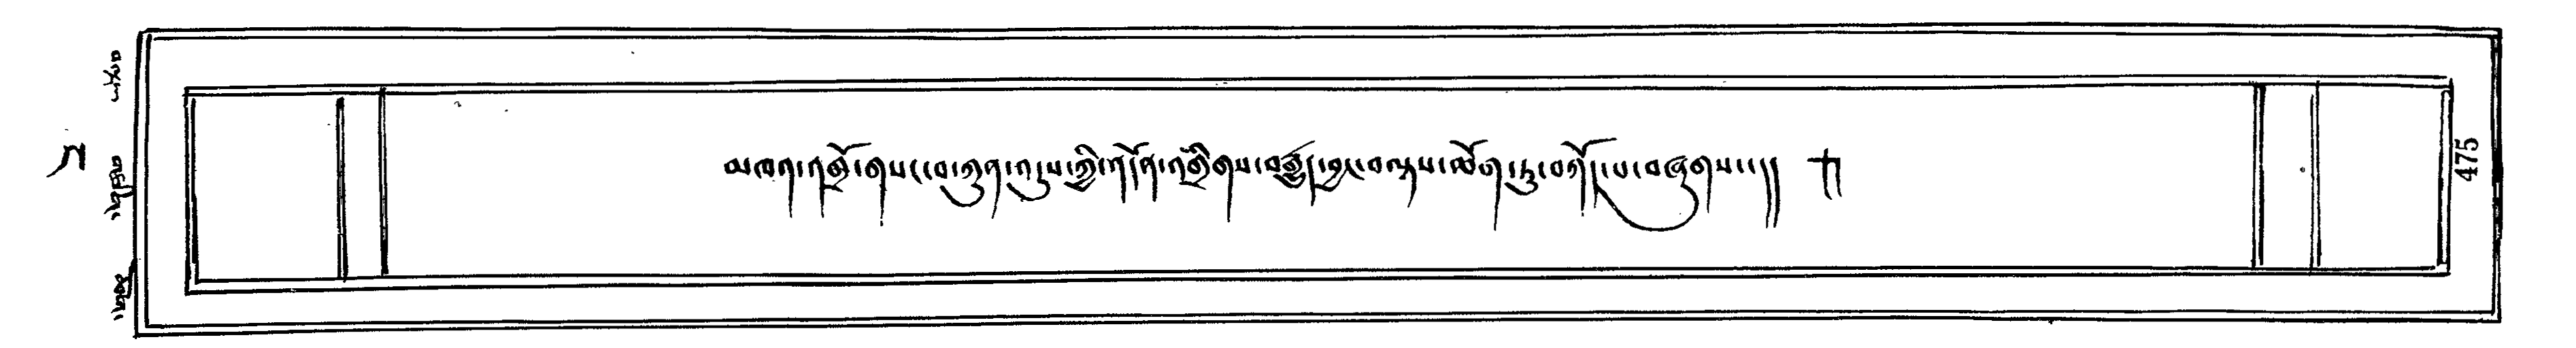མཁའ་འགྲོ་གསང་བ་ཀུན་འདུས་ཀྱི་འདོན་འགྲིགས་རྒྱུད་བྱང་བལྟས་ཆོག་ཏུ་བཀོད་པ་བཞུགས།།